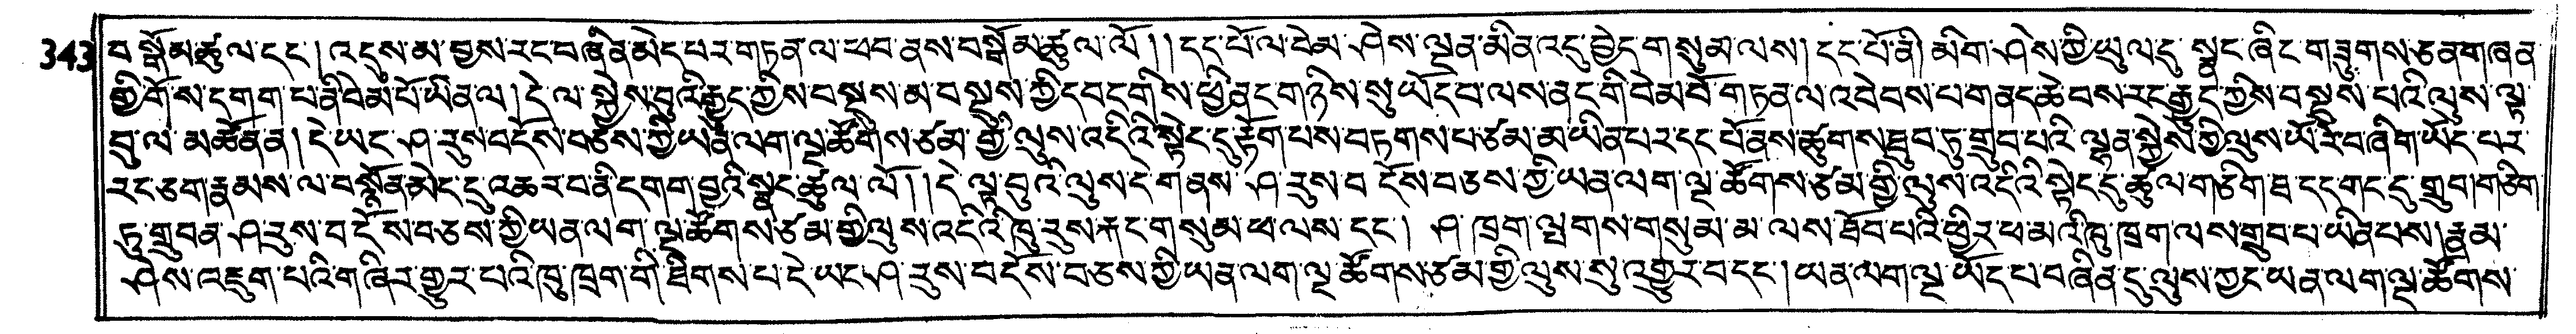བསྒོམ་ཚུལ་དང་། འདུས་མ་བྱས་རང་བཞིན་མེད་པར་གཏན་ལ་ཕབ་ནས་བསྒོམ་ཚུལ་ལོ། །དང་པོ་ལ་བེམ་ཤེས་ལྡན་མིན་འདུ་བྱེད་གསུམ་ལས། དང་པོ་ནི། མིག་ཤེས་ཀྱི་ཡུལ་དུ་སྣང་ཞིང་གཟུགས་ཅན་གཞན་
གྱི་གོ་ས་དགག་པ་ནི་བེམ་པོ་ཡིན་ལ། དེ་ལ་སྐྱེས་བུའི་རྒྱུད་ཀྱིས་བསྡུས་མ་བསྡུས་ཀྱི་དབང་གིས་ཕྱི་ནང་གཉིས་སུ་ཡོད་པ་ལས་ནང་གི་བེམ་པོ་གཏན་ལ་འབེབས་པ་གནད་ཆེ་བས་རང་རྒྱུད་ཀྱིས་བསྡུས་པའི་ལུས་ལྟ་
བུ་ལ་མཚོན་ན། དེ་ཡང་ཤ་རུས་བདོས་བཅས་ཀྱི་ཡན་ལག་ལྔ་ཚོགས་ཙམ་གྱི་ལུས་འདིའི་སྟེང་དུ་རྟོག་པས་བཏགས་པ་ཙམ་མ་ཡིན་པར་དང་པོ་ནས་ཚུགས་ཐུབ་ཏུ་གྲུབ་པའི་ལྷན་སྐྱེས་ཀྱི་ལུས་ཡོ་རེ་བ་ཞིག་ཡོད་པར་
རང་ཅག་རྣམས་ལ་བསྙོན་མེད་དུ་འཆར་བ་ནི་དགག་བྱའི་སྣང་ཚུལ་ལོ། །དེ་ལྟ་བུའི་ལུས་དེ་གནས་ཤ་རུས་བ་དོས་བཅས་ཀྱི་ཡན་ལག་ལྔ་ཚོགས་ཙམ་གྱི་ལུས་འདིའི་སྟེང་དུ་ཚུལ་གཅིག་ཐ་དད་གང་དུ་གྲུབ། གཅིག་
ཏུ་གྲུབ་ན་ཤ་རུས་བ་དོས་བཅས་ཀྱི་ཡན་ལག་ལྔ་ཚོགས་ཙམ་གྱི་ལུས་འདིའི་ཁུ་རུས་རྐང་གསུམ་ཕ་ལས་དང་། ཤ་ཁྲག་ལྤགས་གསུམ་མ་ལས་ཐོབ་པའི་ཕྱིར་ཕ་མའི་ཁུ་ཁྲག་ལས་གྲུབ་པ་ཡིན་པས། རྣམ་
ཤེས་འཇུག་པའི་གཞིར་གྱུར་པའི་ཁུ་ཁྲག་གི་ཐིགས་པ་དེ་ཡང་ཤ་རུས་བདོས་བཅས་ཀྱི་ཡན་ལག་ལྔ་ཚོགས་ཙམ་གྱི་ལུས་སུ་འགྱུར་བ་དང་། ཡན་ལག་ལྔ་ཡོད་པ་བཞིན་དུ་ལུས་ཀྱང་ཡན་ལག་ལྔ་ཚོགས་